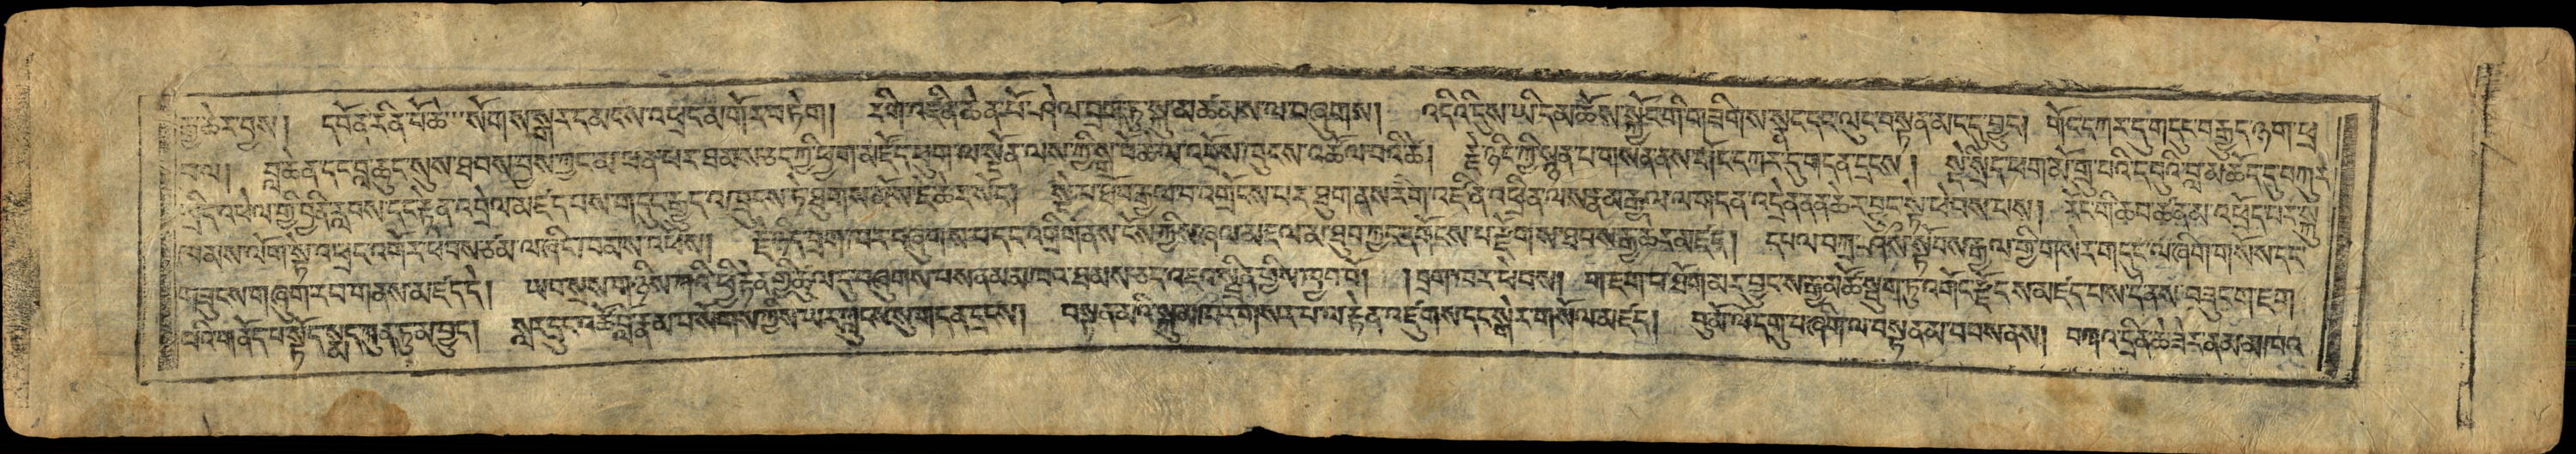རྒྱ་ཆེར་བྱས། དབོན་རིན་པོ་ཆེ་སོགས་སྒར་དམངས་འཕྲང་མགོར་བཏེག། རིག་འཛིན་ཆེན་པོ་ཤེལ་བྲག་ཏུ་སྐུ་མཆམས་ལ་བཞུགས། འདིའི་དུས་ཡི་དམ་ཆོས་སྐྱོང་གི་གཟིགས་སྣང་དང་ལུང་བསྟན་མང་དུ་བྱུང་། གོང་དཀར་དུ་གདུང་བརྒྱུད་ཉག་ཕྲ་
བ་ལ། བླ་ཆེན་དང་བླ་ཆུང་སུས་?་ཐབས་བྱས་ཀྱང་མ་ཕན་པར་ཐམས་ཅད་ཀྱི་ཕྱག་མཛོད་ཕུག་ལ་སྔོན་ལས་ཀྱི་སྒྲ་བོ་ཆེ་ལ་འབྲོས་ཁུངས་འཚོལ་བའི་ཚེ། རྗེ་ཉིད་ཀྱི་སྙན་པ་གསན་ནས་གོང་དཀར་དུ་གདན་དྲངས། སྡེ་སྲིད་ཕག་མོ་གྲུ་བའི་དབུའི་བླ་མཆོད་དུ་བཀུར་
སྲིད་འཕེལ་གྱི་བྱིན་རླབས་དང་རྟེན་འབྲེལ་མཛད་པས་གདུང་རྒྱུད་འཁྲུངས་ཏེ་ཐུགས་མོས་ཇེ་ཆེར་སོང་། སྡེ་པ་ཐོབ་རྒྱལ་བ་འགྲོངས་པར་ཐུག་ནས་རིག་འཛིན་འཕྲིན་ལས་རྣམ་རྒྱལ་ལ་གདན་འདྲེན་ནན་ཆེར་བྱུང་སྟེ་ཕེབས་པས། རོང་གི་ཆབ་ཚན་མ་འཕྲོད་པར་སྐུ་
ཁམས་ལོག་སྟེ་འཕྲང་འགོར་ཕེབས་ཙམ་ལ་ཞིང་ཁམས་འཕོས། རྗེ་ཉིད་བྲག་ཁར་བཞུགས་པ་དང་འགྲིག་ནས་ངོས་ཀྱིས་ཞལ་མཇལ་མ་ཐུབ་ཀྱང་དགོངས་པ་རྫོགས་ཐབས་རྒྱ་ཆེར་མཛད། དཔལ་བཀྲ་ཤྀས་སྟོབས་རྒྱལ་གྱི་གསེར་གདུང་ལ་ཞིག་གསོས་དང་
གཟུངས་གཞུག་རབ་གནས་མཛད་དེ། ཡབ་སྲས་གཉིས་ཀའི་ཕྱི་རྟེན་གྱི་ཆུལ་དུ་བཞུགས་པས་ནམ་མཁའ་ཐམས་ཅད་འཇའ་སྤྲིན་གྱིས་ཁྱབ་བོ། །བྲག་ཁར་ཕེབས། ག་ཇག་པ་ཐོག་མར་བྱུང་ས་རྒྱ་མཚོ་སྦུག་སྟུ་འགོང་རྫོངས་མཛད་པས་དེ་ནས་བཟུང་ག་ཇག་
པའི་གནོད་པ་སྟོད་སྨད་ཀུན་ཏུ་མ་བྱུང་། སླར་དྲུང་འཚོ་བློ་རྣམ་པ་སོགས་ཀྱིས་ཡར་ཀླུངས་སུ་གདན་དྲངས། བསྟན་མའི་སྐུ་མཁར་གསར་པ་ལ་རྟེན་འཛུགས་དང་སྒེར་གསོལ་མཛད། བུ་མོ་ལོ་དགུ་པ་ཞིག་ལ་བསྟན་མ་བབས་ནས། བཀའ་དྲིན་ཆེ་ཟེར་ནམ་མཁའ་